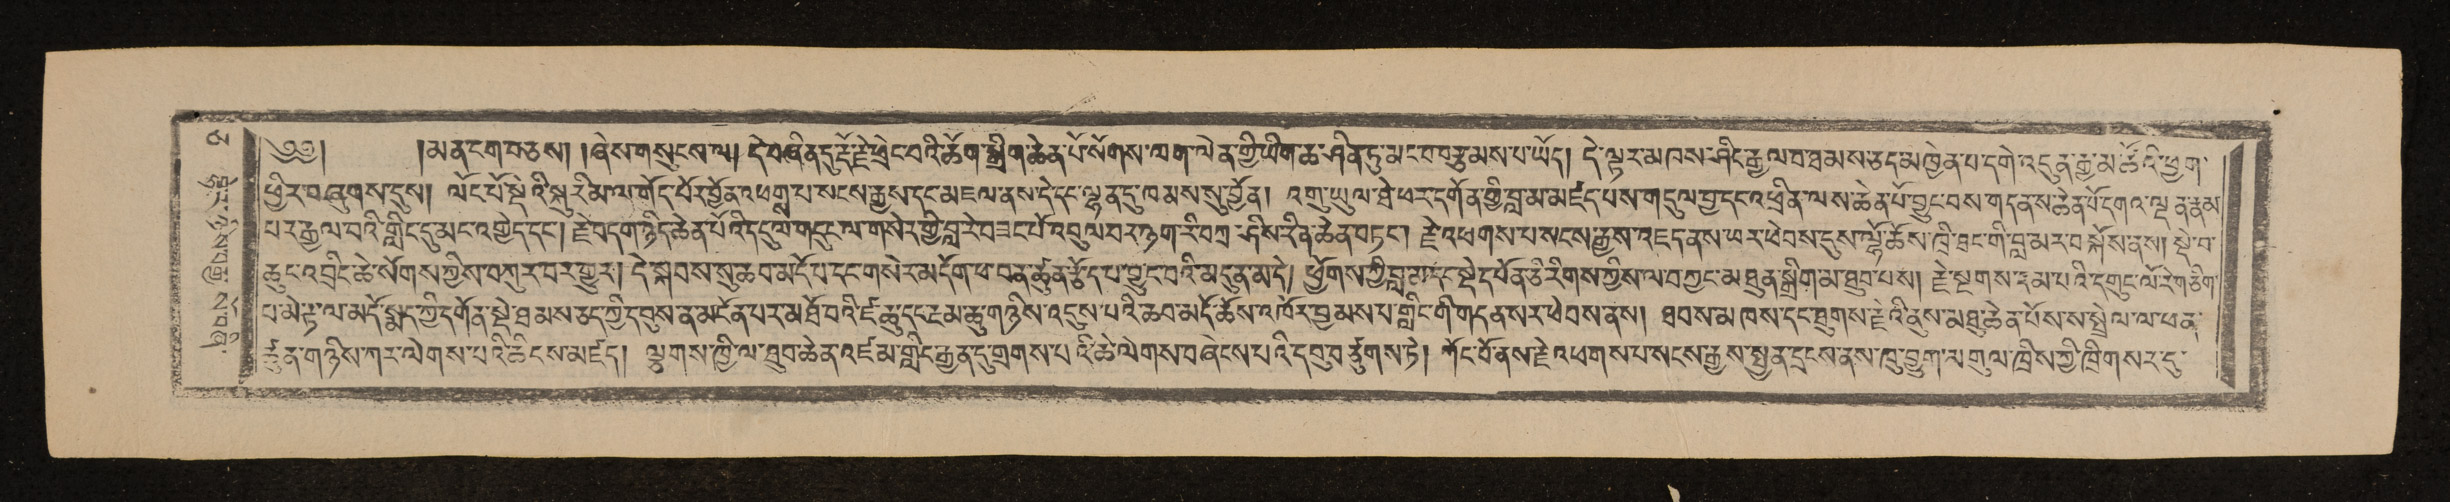༄༅། །མན་ངག་བཅས། །ཞེས་གསུངས་ལ། དེ་བཞིན་དུ་རྡོ་རྗེ་ཕྲེང་བའི་ཆོག་སྒྲིག་ཆེན་པོ་སོགས་ལག་ལེན་གྱི་ཡིག་ཆ་ཤིན་ཏུ་མང་བ་བརྩམས་པ་ཡོད། དེ་ལྟར་མཁས་ཤིང་རྒྱལ་བ་ཐམས་ཅད་མཁྱེན་པ་དགེ་འདུན་རྒྱ་མཚོའི་ཕྱག་
ཕྱིར་བཞུགས་དུས། ལོང་བོ་སྡེའི་སྐུ་རིམ་ལ་གོང་པོར་བྱོན་འཕགས་པ་སངས་རྒྱས་དང་མཇལ་ནས་དེ་དང་ལྷན་དུ་ཁམས་སུ་བྱོན། འགུ་ཡུལ་ཐེ་ཕར་དགོན་གྱི་བླ་མ་མཛད་པས་གདུལ་བྱ་དང་འཕྲིན་ལས་ཆེན་པོ་བྱུང་བས་གདན་ས་ཆེན་པོ་དགའ་ལྡན་རྣམ་
པར་རྒྱལ་བའི་གླིང་དུ་མང་འགྱེད་དང་། རྗེ་བདག་ཉིད་ཆེན་པོའི་དངུལ་གདུང་ལ་གསེར་གྱི་བླ་རེ་བཟང་པོ་འབུལ་བར་ཉག་རི་བཀྲ་ཤིས་རིན་ཆེན་བཏང་། རྗེ་འཕགས་པ་སངས་རྒྱས་འཇད་ནས་ཡར་ཕེབས་དུས་ལྷོ་ཆོས་ཁྲི་ཐང་གི་བླ་མར་བསྐོས་ནས། སྡེ་པ་ཆུང་འབྲིང་ཆེ་སོགས་ཀྱིས་བཀུར་བར་གྱུར། དེ་སྐབས་སུ་ཆབ་མདོ་བ་དང་གསེར་མདོག་པ་ཕན་ཚུན་རྩོད་པ་བྱུང་བའི་མདུན་མེད། ཕྱོགས་ཀྱི་བླ་མ་དང་སྡེ་དཔོན་ཅི་རིགས་ཀྱིས་ལབ་ཀྱང་མཐུན་སྒྲིག་མ་ཐུབ་པས། རྗེ་སྔགས་རམ་པའི་དགུང་ལོ་རེ་གཅིག་
པ་མེ་རྟ་ལ་མདོ་སྨད་ཀྱི་དགོན་སྡེ་ཐམས་ཅད་ཀྱི་དབུས་ན་མངོན་པར་མཐོ་བའི་ཛ་ཆུ་དང་རྡམ་ཆུ་གཉིས་འདུས་པའི་ཆབ་མདོ་ཆོས་འཁོར་བྱམས་པ་གླིང་གི་གདན་སར་ཕེབས་ནས། ཐབས་མཁས་དང་ཐུགས་རྗེའི་ནུས་མཐུ་ཆེན་པོས་ས་སྤྲེལ་ལ་ཕན་
ཚུན་གཉིས་ཀར་ལེགས་པའི་ཆིངས་མཛད། ལྕགས་ཁྱིལ་ཐུབ་ཆེན་འཛམ་གླིང་རྒྱན་དུ་གྲགས་པའི་ཆེ་ལེགས་བཞེངས་པའི་དབུ་བཙུགས་ཏེ། ཀོང་བོ་ནས་རྗེ་འཕགས་པ་སངས་རྒྱས་སྤྱན་དྲངས་ནས་ཁུ་བྱུག་མགུལ་ཁྲིས་ཀྱི་ཁྲི་གསར་དུ་